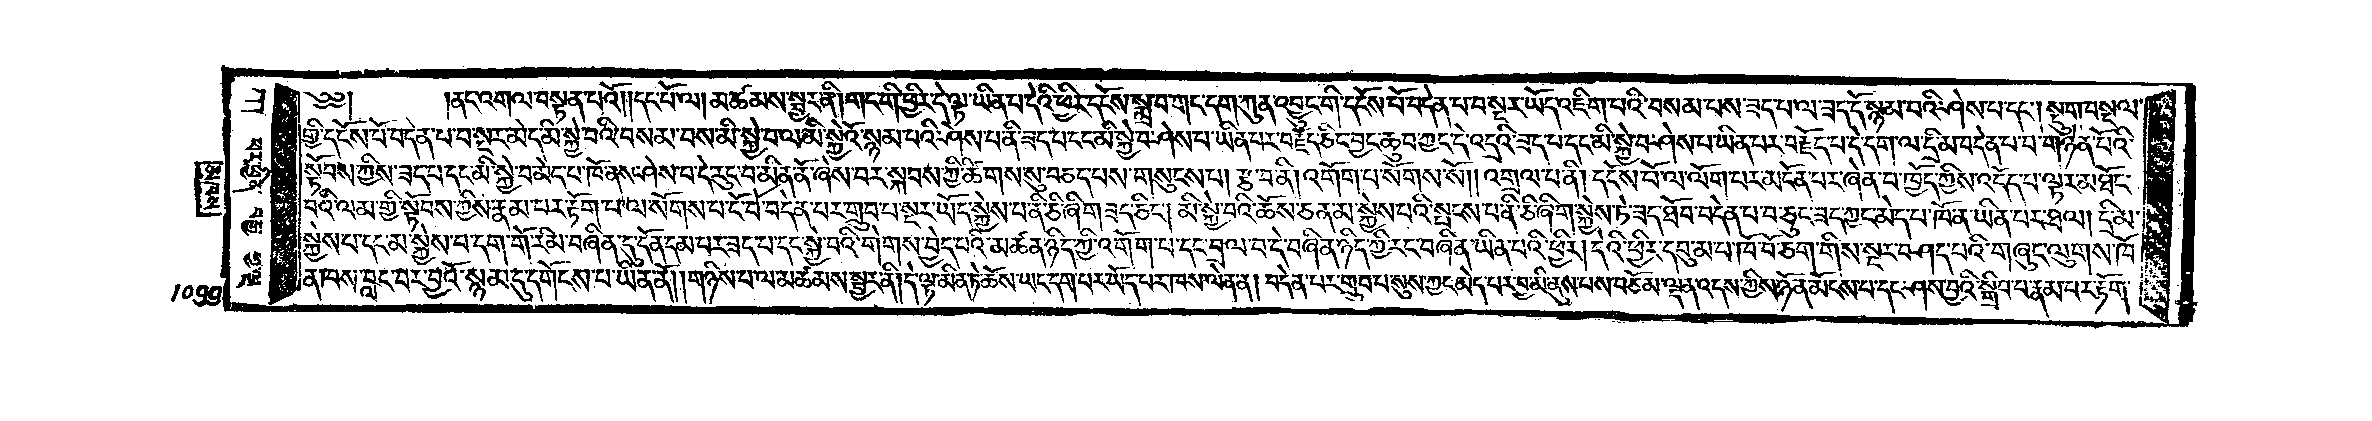༄༅། །ནང་འགལ་བསྟན་པའོ། །དང་པོ་ལ། མཚམས་སྦྱར་ནི། གང་གི་ཕྱིར་དེ་ལྟ་ཡིན་པ་དེའི་ཕྱིར་དངོས་སྨྲ་བ་གང་དག་ཀུན་འབྱུང་གི་དངོས་པོ་བདེན་པ་བ་སྔར་ཡོད་འཇིག་པའི་བསམ་པས་ཟད་པ་ལ་ཟད་དོ་སྙམ་པའི་ཤེས་པ་དང་། སྡུག་བསྔལ་
གྱི་དངོས་པོ་བདེན་པ་བ་སྔར་མེད་མི་སྐྱེ་བའི་བསམ་པས་མི་སྐྱེ་བ་ལ་མི་སྐྱེའོ་སྙམ་པའི་ཤེས་པ་ནི་ཟད་པ་དང་མི་སྐྱེ་བ་ཤེས་པ་ཡིན་པར་བརྗོད་ཅིང་བྱང་ཆུབ་ཀྱང་དེ་འདྲའི་ཟད་པ་དང་མི་སྐྱེ་བ་ཤེས་པ་ཡིན་པར་བརྗོད་པ་དེ་དག་ལ་དྲི་མ་བདེན་པ་བ་གཉེན་པོའི་
སྟོབས་ཀྱིས་ཟད་པ་དང་མི་སྐྱེ་བ་མེད་པ་ཁོ་ནས་ཤེས་པ་དེ་རུང་བ་མིན་ནོ་ཞེས་བར་སྐབས་ཀྱི་ཚིགས་སུ་བཅད་པས་གསུངས་པ། རྩ་བ་ནི། འགོག་པ་སོགས་སོ། །འགྲེལ་བ་ནི། དངོས་པོ་ལ་ལོག་པར་མངོན་པར་ཞེན་པ་ཁྱོད་ཀྱིས་འདོད་པ་ལྟར་མཐོང་
བའི་ལམ་གྱི་སྟོབས་ཀྱིས་རྣམ་པར་རྟོག་པ་ལ་སོགས་པ་ངོ་བོ་བདེན་པར་གྲུབ་པ་སྔར་ཡོད་སྐྱེས་པ་ནི་ཅི་ཞིག་ཟད་ཅིང་། མི་སྐྱེ་བའི་ཆོས་ཅན་མ་སྐྱེས་པའི་སྤངས་པ་ནི་ཅི་ཞིག་སྐྱེས་ཏེ་ཟད་ཐོབ་བདེན་པ་བ་ཅུང་ཟད་ཀྱང་མེད་པ་ཁོ་ན་ཡིན་པར་ཐལ། དྲི་མ་
སྐྱེས་པ་དང་མ་སྐྱེས་པ་དག་གོ་རིམ་བཞིན་དུ་དོན་དམ་པར་ཟད་པ་དང་སྐྱེ་བའི་གེགས་བྱེད་པའི་མཚན་ཉིད་ཀྱི་འགོག་པ་དང་བྲལ་བ་དེ་བཞིན་ཉིད་ཀྱི་རང་བཞིན་ཡིན་པའི་ཕྱིར། དེའི་ཕྱིར་དབུ་མ་པ་ཁོ་བོ་ཅག་གིས་སྔར་བཤད་པའི་གཞུང་ལུགས་ཁོ་
ན་ཁས་བླང་བར་བྱའོ་སྙམ་དུ་དགོངས་པ་ཡིན་ནོ། །གཉིས་པ་ལ་མཚམས་སྦྱར་ནི། དེ་ལྟ་མིན་ཏེ་ཆོས་ཡང་དག་པར་ཡོད་པར་ཁས་ལེན་ན། བདེན་པར་གྲུབ་པ་སུས་ཀྱང་མེད་པར་བྱ་མི་ནུས་པས་བཅོམ་ལྡན་འདས་ཀྱིས་ཉོན་མོངས་པ་དང་ཤས་བྱའི་སྒྲིབ་པ་རྣམ་པར་རྟོག་